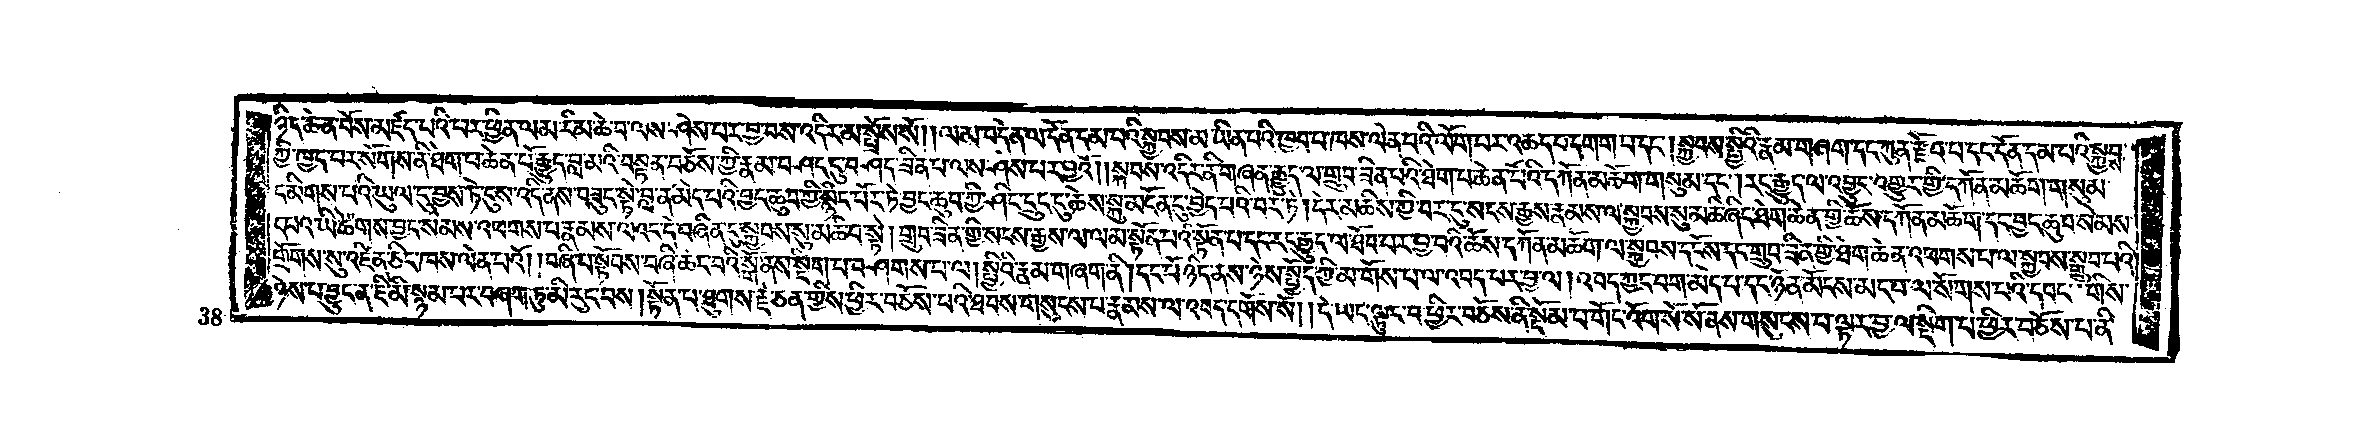ཉིད་ཆེན་པོས་མཛད་པའི་པར་ཕྱིན་ལམ་རིམ་ཆེ་བ་ལས་ཤེས་པར་བྱ་བས་འདིར་མ་སྤྲོས་སོ། །ལམ་བདེན་ལ་དོན་དམ་པའི་སྐྱབས་མ་ཡིན་པའི་ཁྱབ་པ་ཁས་ལེན་པའི་ལོག་པར་འཆད་པ་དགག་པ་དང་། སྐྱབས་སྤྱིའི་རྣམ་གཞག་དང་ཀུན་རྫོབ་པ་དང་དོན་དམ་པའི་སྐྱབས་
ཀྱི་ཁྱད་པར་སོགས་ནི་ཐེག་པ་ཆེན་པོ་རྒྱུད་བླ་མའི་བསྟན་བཅོས་ཀྱི་རྣམ་བཤད་དུ་བཤད་ཟིན་པ་ལས་ཤེས་པར་བྱའོ། །སྐབས་འདིར་ནི་གཞན་རྒྱུད་ལ་གྲུབ་ཟིན་པའི་ཐེག་པ་ཆེན་པོའི་དཀོན་མཆོག་གསུམ་དང་། རང་རྒྱུད་ལ་འབྱུང་འགྱུར་གྱི་དཀོན་མཆོག་གསུམ་
དམིགས་པའི་ཡུལ་དུ་བྱས་ཏེ་དུས་འདི་ནས་བཟུང་སྟེ་བླ་ན་མེད་པའི་བྱང་ཆུབ་ཀྱི་སྙིང་པོར་ཏེ་བྱང་ཆུབ་ཀྱི་ཤིང་དྲུང་དུ་ཆོས་མངོན་དུ་བྱེད་པའི་བར་ཏེ། དེར་མཆིས་ཀྱི་བར་དུ་སངས་རྒྱས་རྣམས་ལ་སྐྱབས་སུ་མཆི་ཞིང་ཐེག་ཆེན་གྱི་ཆོས་དཀོན་མཆོག་དང་བྱང་ཆུབ་སེམས་
དཔའ་ཡི་ཚོགས་བྱང་སེམས་འཕགས་པ་རྣམས་ལའང་དེ་བཞིན་དུ་སྐྱབས་སུ་མཆི་བ་སྟེ། གྲུབ་ཟིན་གྱི་སངས་རྒྱས་ལ་ལམ་སྟོན་པའི་སྟོན་པ་དང་རང་རྒྱུད་ལ་ཐོབ་པར་བྱ་བའི་ཆོས་དཀོན་མཆོག་ལ་སྐྱབས་དངོས་དང་གྲུབ་ཟིན་གྱི་ཐེག་ཆེན་འཕགས་པ་ལ་སྐྱབས་སྒྲུབ་པའི་
གྲོགས་སུ་འཛིན་ཅིང་ཁས་ལེན་པའོ། །བཞི་པ་སྟོབས་བཞི་ཚང་བའི་སྒོ་ནས་སྡིག་པ་བཤགས་པ་ལ། སྤྱིའི་རྣམ་གཞག་ནི། དང་པོ་ཉིད་ནས་ཉེས་སྤྱོད་ཀྱི་མ་གོས་པ་ལ་འབད་པར་བྱ་ལ། འབད་ཀྱང་བག་མེད་པ་དང་ཉོན་མོངས་མང་བ་ལ་སོགས་པའི་དབང་གིས་
ཉེས་པ་བྱུང་ན་ཇི་མི་སྙམ་པར་བཞག་ཏུ་མི་རུང་བས། སྟོན་པ་ཐུགས་རྗེ་ཅན་གྱིས་ཕྱིར་བཅོས་པའི་ཐབས་གསུངས་པ་རྣམས་ལ་འབད་དགོས་སོ། །དེ་ཡང་ལྟུང་བ་ཕྱིར་བཅོས་ནི་སྡོམ་པ་གོང་འོག་སོ་སོ་ནས་གསུངས་པ་ལྟར་བྱ་ལ་སྡིག་པ་ཕྱིར་བཅོས་པ་ནི་